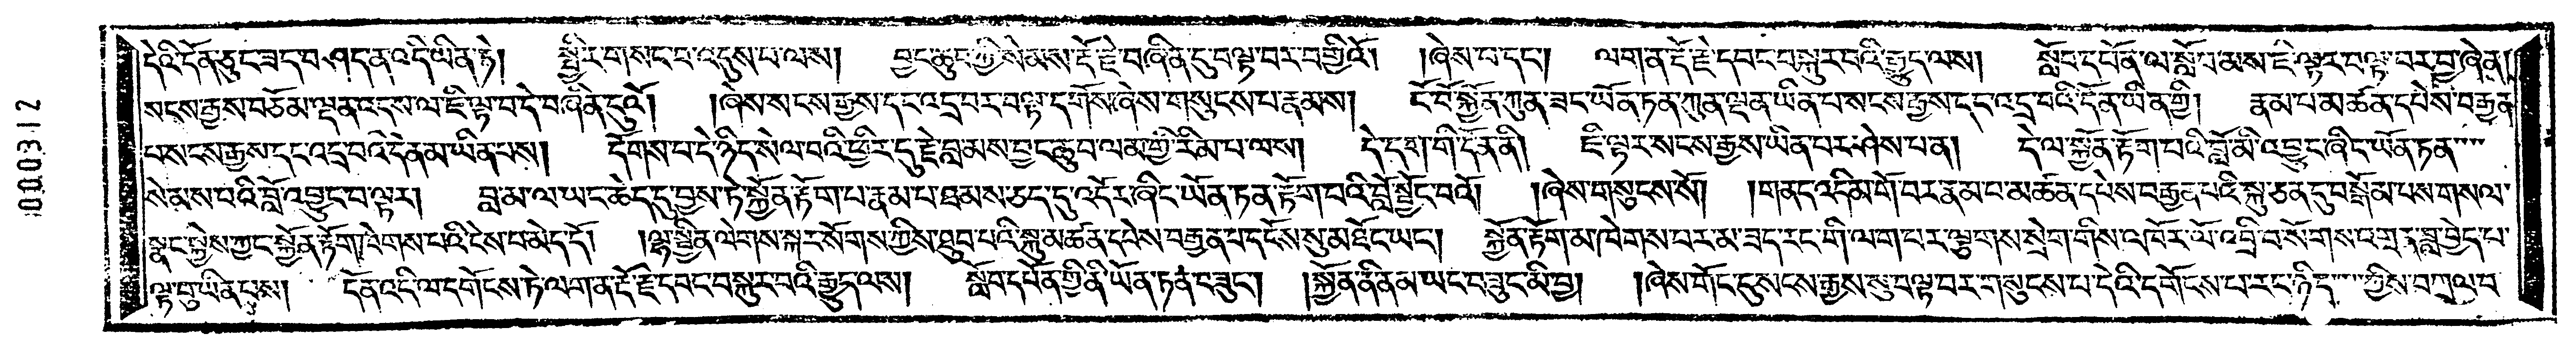དེའི་དོན་ཅུང་ཟད་བཤད་ན་འདི་ཡིན་ཏེ། སྤྱིར་གསང་བ་འདུས་པ་ལས། བྱང་ཆུབ་ཀྱི་སེམས་རྡོ་རྗེ་བཞིན་དུ་བལྟ་བར་བགྱིའོ། །ཞེས་པ་དང་། ལག་ན་རྡོ་རྗེ་དབང་བསྐུར་བའི་རྒྱུད་ལས། སློབ་དཔོན་ལ་སློབ་མས་ཇི་ལྟར་བལྟ་བར་བྱ་ཞེ་ན།
སངས་རྒྱས་བཅོམ་ལྡན་འདས་ལ་ཇི་ལྟ་བ་དེ་བཞིན་དུའོ། །ཞེས་སངས་རྒྱས་དང་འདྲ་བ་བལྟ་དགོས་ཞེས་གསུངས་པ་རྣམས། ངོ་བོ་སྐྱོན་ཀུན་ཟང་ཡོན་ཏན་ཀུན་ལྡན་ཡིན་པ་སངས་རྒྱས་དང་འདྲ་བའི་དོན་ཡིན་གྱི། རྣམ་པ་མཚན་དཔེས་བརྒྱན་
པ་སངས་རྒྱས་དང་འདྲ་བའི་དོན་མ་ཡིན་པས། དོགས་པ་དེ་ཉིད་སེལ་བའི་ཕྱིར་དུ་རྗེ་བླ་མས་བྱང་ཆུབ་ལམ་གྱི་རིམ་པ་ལས། དེ་དག་གི་དོན་ནི། ཇི་ལྟར་སངས་རྒྱས་ཡིན་པར་ཤེས་པ་ན། དེ་ལ་སྐྱོན་རྟོག་པའི་བློ་མི་འབྱུང་ཞིང་ཡོན་ཏན་
སེམས་པའི་བློ་འབྱུང་བ་ལྟར། བླ་མ་ལ་ཡང་ཆེད་དུ་བྱས་ཏེ་སྐྱོན་རྟོག་པ་རྣམ་པ་ཐམས་ཅད་དུ་འདོར་ཞིང་ཡོན་ཏན་རྟོག་པའི་བློ་སྦྱོང་བའོ། །ཞེས་གསུངས་སོ། །གནད་འདི་མགོ་བར་རྣམ་པ་མཚན་དཔེས་བརྒྱན་པའི་སྐུ་ཅན་དུ་བསྒོམ་པས་གསལ་
སྣང་སྐྱེས་ཀྱང་སྐྱོན་རྟོག་ཁེགས་པའི་ངེས་པ་མེད་དོ། །ལྷ་སྦྱིན་ལེགས་སྐར་སོགས་ཀྱིས་ཐུབ་པའི་སྐུ་མཚན་དཔེས་བརྒྱན་པ་དངོས་སུ་མཐོང་ཡང་། སྐྱོན་རྟོག་མ་ཁེགས་པར་མ་ཟད་རང་གི་ལག་བར་ལྕགས་སྲེག་གིས་འཁོར་ལོ་འབྲི་བ་སོགས་འགྲན་བླ་བྱེད་པ་
ལྟ་བུ་ཡིན་པས། དོན་འདི་ལ་དགོངས་ཏེ་ལག་ན་རྡོ་རྗེ་དབང་བསྐུར་བའི་རྒྱུད་ལས། སློབ་དཔོན་གྱི་ནི་ཡོན་ཏན་བཟུང་། །སྐྱོན་ནི་ནམ་ཡང་བཟུང་མི་བྱ། །ཞེས་གོང་དུ་སངས་རྒྱས་སུ་བལྟ་བར་གསུངས་པ་དེའི་དགོངས་པ་རང་ཉིད་ཀྱིས་བཀྲལ་བ་